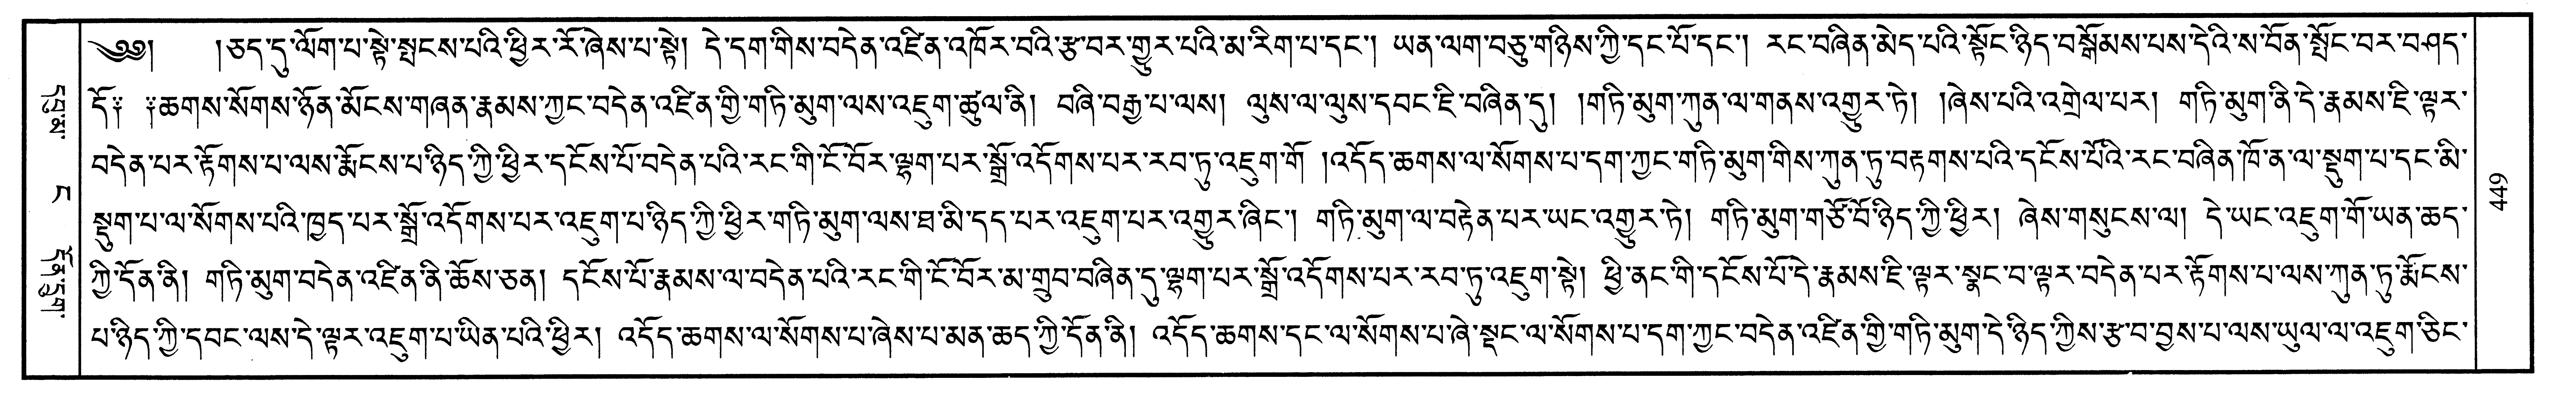༄༅། །ཅད་དུ་ལོག་པ་སྟེ་སྤངས་པའི་ཕྱིར་རོ་ཞེས་པ་སྟེ། དེ་དག་གིས་བདེན་འཛིན་འཁོར་བའི་རྩ་བར་གྱུར་པའི་མ་རིག་པ་དང་། ཡན་ལག་བཅུ་གཉིས་ཀྱི་དང་པོ་དང་། རང་བཞིན་མེད་པའི་སྟོང་ཉིད་བསྒོམས་པས་དེའི་ས་བོན་སྤོང་བར་བཤད་
དོ༑ ༑ཆགས་སོགས་ཉོན་མོངས་གཞན་རྣམས་ཀྱང་བདེན་འཛིན་གྱི་གཏི་མུག་ལས་འཇུག་ཚུལ་ནི། བཞི་བརྒྱ་པ་ལས། ལུས་ལ་ལུས་དབང་ཇི་བཞིན་དུ། །གཏི་མུག་ཀུན་ལ་གནས་འགྱུར་ཏེ། །ཞེས་པའི་འགྲེལ་པར། གཏི་མུག་ནི་དེ་རྣམས་ཇི་ལྟར་
བདེན་པར་རྟོགས་པ་ལས་རྨོངས་པ་ཉིད་ཀྱི་ཕྱིར་དངོས་པོ་བདེན་པའི་རང་གི་ངོ་བོར་ལྷག་པར་སྒྲོ་འདོགས་པར་རབ་ཏུ་འཇུག་གོ །འདོད་ཆགས་ལ་སོགས་པ་དག་ཀྱང་གཏི་མུག་གིས་ཀུན་ཏུ་བརྟགས་པའི་དངོས་པོའི་རང་བཞིན་ཁོ་ན་ལ་སྡུག་པ་དང་མི་
སྡུག་པ་ལ་སོགས་པའི་ཁྱད་པར་སྒྲོ་འདོགས་པར་འཇུག་པ་ཉིད་ཀྱི་ཕྱིར་གཏི་མུག་ལས་ཐ་མི་དད་པར་འཇུག་པར་འགྱུར་ཞིང་། གཏི་མུག་ལ་བརྟེན་པར་ཡང་འགྱུར་ཏེ། གཏི་མུག་གཙོ་བོ་ཉིད་ཀྱི་ཕྱིར། ཞེས་གསུངས་ལ། དེ་ཡང་འཇུག་གོ་ཡན་ཆད་
ཀྱི་དོན་ནི། གཏི་མུག་བདེན་འཛིན་ནི་ཆོས་ཅན། དངོས་པོ་རྣམས་ལ་བདེན་པའི་རང་གི་ངོ་བོར་མ་གྲུབ་བཞིན་དུ་ལྷག་པར་སྒྲོ་འདོགས་པར་རབ་ཏུ་འཇུག་སྟེ། ཕྱི་ནང་གི་དངོས་པོ་དེ་རྣམས་ཇི་ལྟར་སྣང་བ་ལྟར་བདེན་པར་རྟོགས་པ་ལས་ཀུན་ཏུ་རྨོངས་
པ་ཉིད་ཀྱི་དབང་ལས་དེ་ལྟར་འཇུག་པ་ཡིན་པའི་ཕྱིར། འདོད་ཆགས་ལ་སོགས་པ་ཞེས་པ་མན་ཆད་ཀྱི་དོན་ནི། འདོད་ཆགས་དང་ལ་སོགས་པ་ཞེ་སྡང་ལ་སོགས་པ་དག་ཀྱང་བདེན་འཛིན་གྱི་གཏི་མུག་དེ་ཉིད་ཀྱི་རྩ་བ་བྱས་པ་ལས་ཡུལ་ལ་འཇུག་ཅིང་